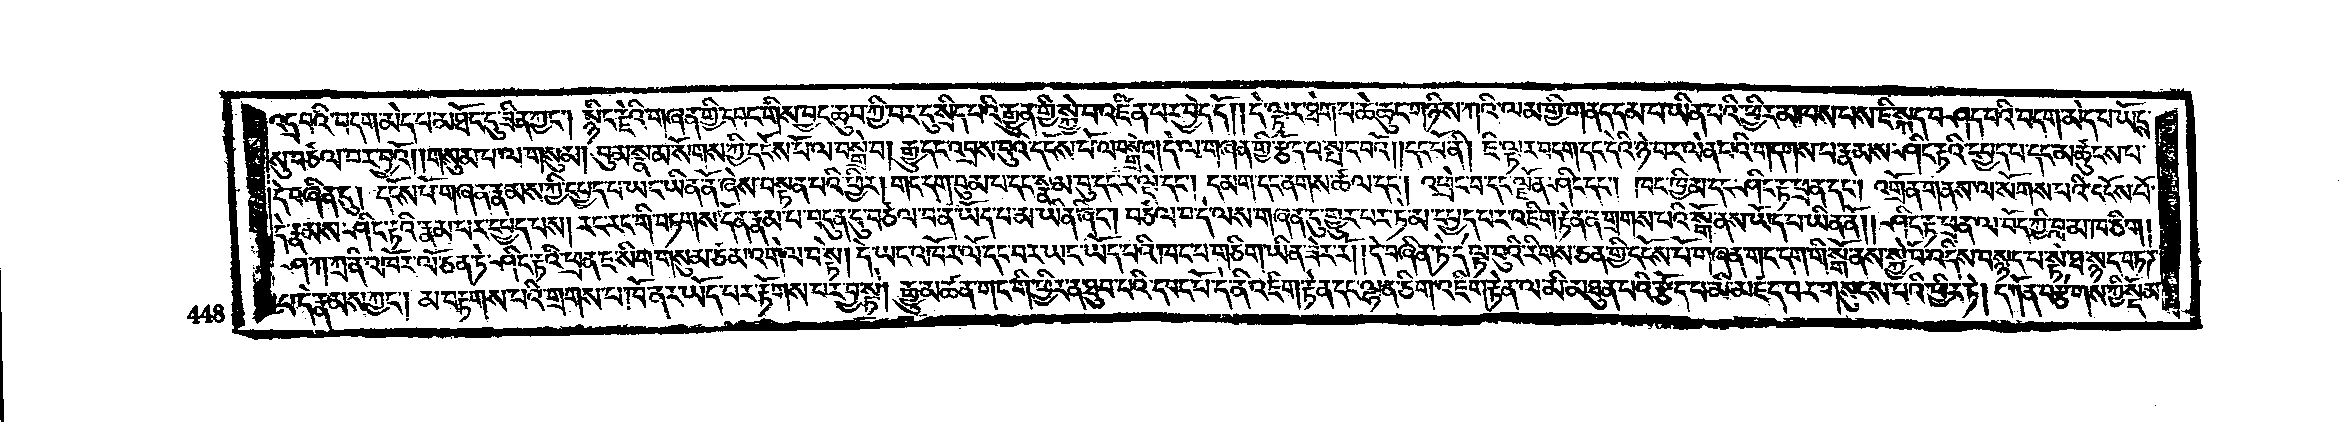འདྲ་བའི་བདག་མེད་པ་མཐོང་དུ་ཟིན་ཀྱང་། སྙིང་རྗེའི་གཞན་གྱི་དབང་གིས་བྱང་ཆུབ་ཀྱི་བར་དུ་སྲིད་པའི་རྒྱུན་གྱི་སྐྱེ་བ་འཛིན་པར་བྱེད་དོ། །དེ་ལྟར་ཐེག་པ་ཆེ་ཆུང་གཉིས་ཀའི་ལམ་གྱི་གནད་དམ་པ་ཡིན་པའི་ཕྱིར་མཁས་པས་ཇི་སྐད་བཤད་པའི་བདག་མེད་པ་ཡོངས་
སུ་བཙིལ་བར་བྱའོ། །གསུམ་པ་ལ་གསུམ། བུམ་སྣམ་སོགས་ཀྱི་དངོས་པོ་ལ་བསྒྲེ་བ། རྒྱུ་དང་འབྲས་བུའི་དངོས་པོ་ལ་བསྒྲེ་བ། དེ་ལ་གཞན་གྱི་རྩོད་པ་སྤང་བའོ། །དང་པོ་ནི། ཇི་ལྟར་བདག་དང་དེའི་ཉེ་བར་ལེན་པའི་གདགས་པ་རྣམས་ཤིང་རྟའི་དཔྱད་པ་དང་མཚུངས་པ་
དེ་བཞིན་དུ། དངོས་པོ་གཞན་རྣམས་ཀྱི་དཔྱད་པ་ཡང་ཡིན་ནོ་ཞེས་བསྟན་པའི་ཕྱིར། གང་དག་བུམ་པ་དང་སྣམ་བུ་དང་རི་ལྡེ་དང་། དམག་དང་ནགས་ཚལ་དང་། འཕྲེང་བ་དང་ལྗོན་ཤིང་དང་། ཁང་ཁྱིམ་དང་ཤིང་རྟ་ཕྲན་དང་། འགྲོན་གནས་ལ་སོགས་པའི་དངོས་པོ་
དེ་རྣམས་ཤིང་རྟའི་རྣམ་པར་དཔྱད་པས། རང་རང་གི་བཏགས་དོན་རྣམ་པ་བདུན་དུ་བཙལ་བ་ན་ཡོད་པ་མ་ཡིན་ཞིང་། བཙལ་བ་དེ་ལས་གཞན་དུ་གྱུར་པར་ཏེ་མ་དཔྱད་པར་འཇིག་རྟེན་ན་གྲགས་པའི་སྒོ་ནས་ཡོད་པ་ཡིན་ནོ། །ཤིང་རྟ་ཕྲན་ལ་བོད་ཀྱི་བླ་མ་ཁ་ཅིག །
ཤ་ཀ་ཀྲ་ནི་འཁོར་ལོ་ཅན་ཏེ་ཤིང་རྟའི་ཕྲན་ཇ་སིག་གསུམ་ཙམ་འགེལ་བ་སྟེ། དེ་ཡང་འཁོར་ལོ་དང་བར་ཡང་ཡོད་པའི་ཁང་པ་གཅིག་ཡིན་ཟེར་རོ། །དེ་བཞིན་ཏེ་དེ་ལྟ་བུའི་རིགས་ཅན་གྱི་དངོས་པོ་གཞན་གང་དག་གི་སྒོ་ནས་སྐྱེ་བོ་འདིས་བསྙད་པ་སྟེ་ཐ་སྙད་བཏགས་
པ་དེ་རྣམས་ཀྱང་། མི་བརྟགས་པའི་གྲགས་པ་ཁོ་ནར་ཡོད་པར་རྟོགས་པར་བྱ་སྟེ། རྒྱུ་མཚན་གང་གི་ཕྱིར་ན་ཐུབ་པའི་དབང་པོ་དེ་ནི་འཇིག་རྟེན་དང་ལྷན་ཅིག་འཇིག་རྟེན་ལ་མི་མཐུན་པའི་རྩོད་པ་མི་མཛད་པར་གསུངས་པའི་ཕྱིར་ཏེ། དཀོན་བརྩེགས་ཀྱི་སྡོམ་